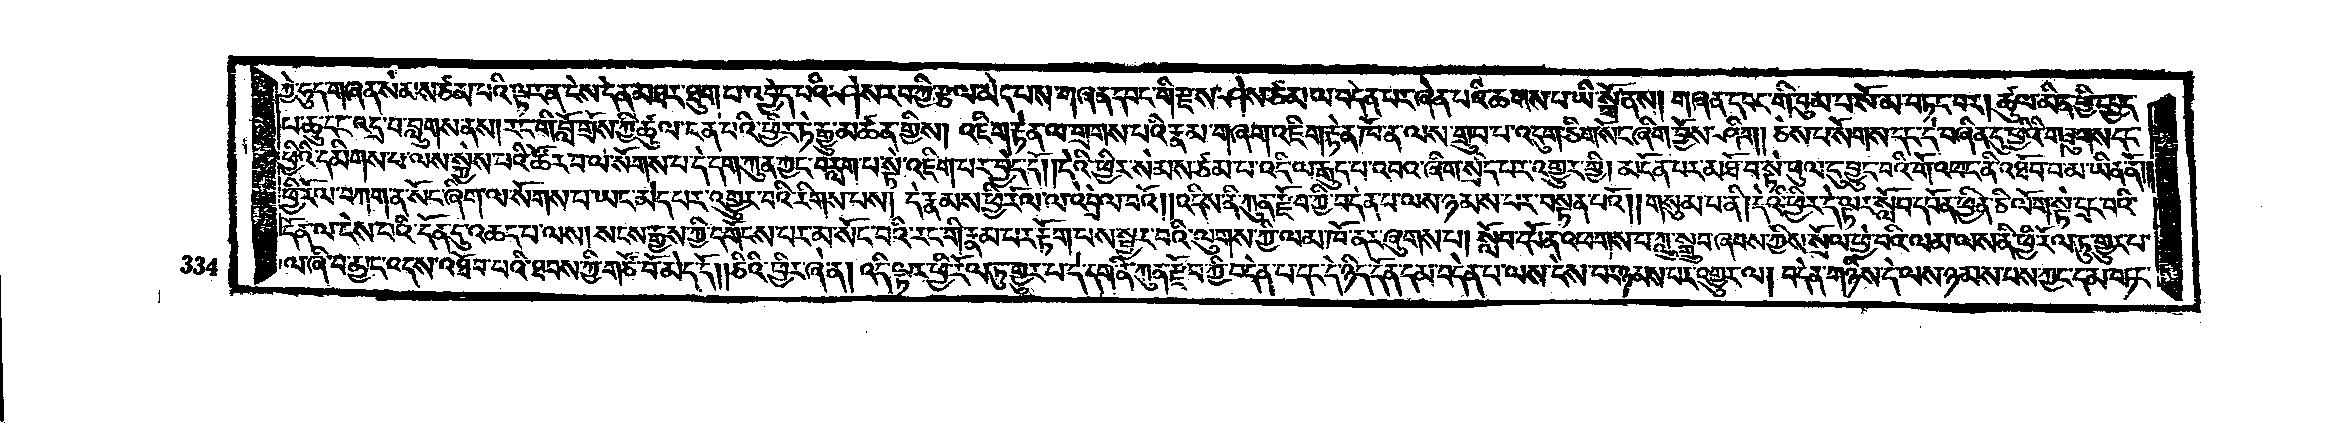ཀྱི་ཧུད་གཞན་སེམས་ཙམ་པའི་ལྟར་ན་ངེས་དོན་མཐར་ཐུག་པ་འབྱེད་པའི་ཤེས་རབ་ཀྱི་རྩལ་མེད་པས་གཞན་དབང་གི་རྫས་ཤེས་ཙམ་ལ་བདེན་པར་ཞེན་པའི་ཆགས་པ་ཡི་སྒོ་ནས། གཞན་དབང་གི་བུམ་པ་སོ་མ་བཏང་བར། ཚུལ་མིན་གྱི་དཔྱད་
པ་ཆུ་དང་འདྲ་བ་བླུགས་ནས། རང་གི་བློ་གྲོས་ཀྱི་ཚུལ་ངན་པའི་ཕྱིར་ཏེ་རྒྱུ་མཚན་གྱིས། འཇིག་རྟེན་ལ་གྲགས་པའི་རྣམ་གཞག་འཇིག་རྟེན་ཁོ་ན་ལས་གྲུབ་པ་འདུག་ཅིག་སོང་ཞིག་བྱོས་ཤིག །ཅེས་པ་སོགས་དང་དེ་བཞིན་དུ་ཕྱིའི་གཟུགས་དང་
ཕྱིའི་དམིགས་པ་ལས་སྐྱེས་པའི་ཚོར་བ་ལ་སོགས་པ་དེ་དག་ཀུན་ཀྱང་བརླག་པ་སྟེ་འཇིག་པར་བྱེད་དོ། །དེའི་ཕྱིར་སེམས་ཙམ་པ་འདི་ལ་རྒུད་པ་འབའ་ཞིག་སྲིད་པར་འགྱུར་གྱི། མངོན་པར་མཐོ་བ་སྟེ་ཕུལ་དུ་བྱུང་བའི་གོ་འཕང་ནི་འཐོབ་པ་མ་ཡིན་ནོ། །
ཕྱི་རོལ་བཀག་ན་སོང་ཞིག་ལ་སོགས་པ་ཡང་མེད་པར་འགྱུར་བའི་རིགས་པས། དེ་རྣམས་ཕྱི་རོལ་ལ་འབྲེལ་བའོ། །འདིས་ནི་ཀུན་རྫོབ་ཀྱི་བདེན་པ་ལས་ཉམས་པར་བསྟན་པའོ། །གསུམ་པ་ནི། དེའི་ཕྱིར་དེ་ལྟར་སློབ་དཔོན་ཕྱིན་ཅི་ལོག་སྟེ་དྲང་བའི་
དོན་ལ་ངེས་པའི་དོན་དུ་འཆད་པ་ལས། སངས་རྒྱས་ཀྱི་དགོངས་པར་མ་སོང་བའི་རང་གི་རྣམ་པར་རྟོག་པས་སྦྱར་བའི་ལུགས་ཀྱི་ལམ་ཁོ་ནར་ཞུགས་པ། སློབ་དཔོན་འཕགས་པ་ཀླུ་སྒྲུབ་ཞབས་ཀྱིས་སྲོལ་ཕྱེ་བའི་ལམ་ལས་ནི་ཕྱི་རོལ་ཏུ་གྱུར་པ་
ལ་ཞི་བ་མྱང་འདས་འཐོབ་པའི་ཐབས་ཀྱི་གཙོ་བོ་མེད་དོ། །ཅིའི་ཕྱིར་ཞེ་ན། འདི་ལྟར་ཕྱི་རོལ་ཏུ་གྱུར་པ་དེ་དག་ནི་ཀུན་རྫོབ་ཀྱི་བདེན་པ་དང་དེ་ཉིད་དོན་དམ་བདེན་པ་ལས་ངེས་པར་ཉམས་པར་འགྱུར་ལ། བདེན་གཉིས་དེ་ལས་ཉམས་པས་ཀྱང་དེ་མ་བཏང་